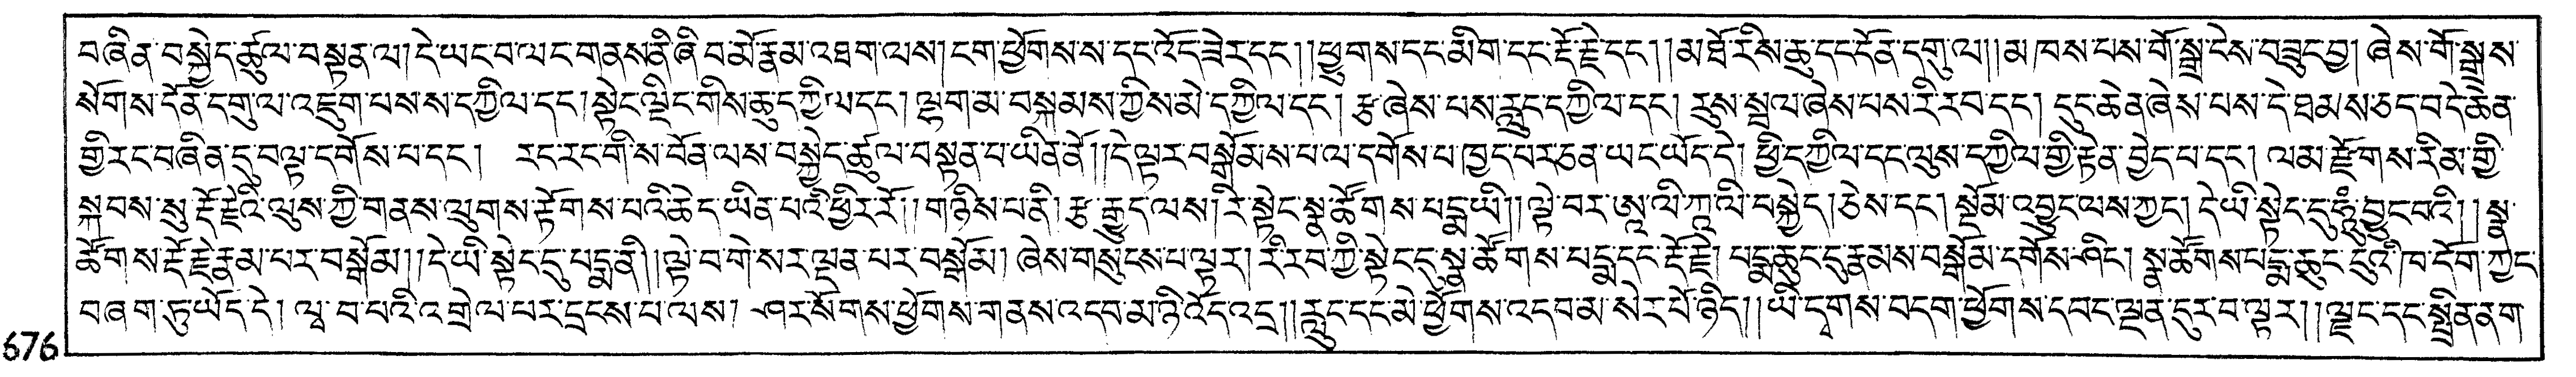བཞིན་བསྐྱེད་ཚུལ་བསྟན་ལ། དེ་ཡང་བ་ལང་གནས་ནི་ཞི་བ་མོ་རྣམ་འཐག་ལས། ངག་ཕྱོགས་ས་དང་འོད་ཟེར་དང་། །ཕྱུགས་དང་མིག་དང་རྡོ་རྗེ་དང་། །མཐོ་རིས་ཆུ་དང་དོན་དགུ་ལ། །མཁས་པས་གོ་སྒྲ་ངེས་བཟུང་བྱ། ཞེས་གོ་སྒྲས་
སོགས་དོན་དགུ་ལ་འཇུག་པས་ས་དཀྱིལ་དང་། སྟེང་ལྡིང་གིས་ཆུ་དཀྱིལ་དང་། ལྷག་མ་བསྐམས་ཀྱིས་མེ་དཀྱིལ་དང་། རྩ་ཞེས་པས་རླུང་དཀྱིལ་དང་། རུས་སྦལ་ཞེས་པས་རི་རབ་དང་། དུང་ཆེན་ཞེས་པས་དེ་ཐམས་ཅད་བདེ་ཆེན་
གྱི་རང་བཞིན་དུ་བལྟ་དགོས་པ་དང་། རང་རང་གི་ས་བོན་ལས་བསྐྱེད་ཚུལ་བསྟན་པ་ཡིན་ནོ། །དེ་ལྟར་བསྒོམས་པ་ལ་དགོས་པ་ཁྱད་པར་ཅན་ཡང་ཡོད་དེ། ཕྱི་དཀྱིལ་དང་ལུས་དཀྱིལ་གྱི་རྟེན་བྱེད་པ་དང་། ལམ་རྫོགས་རིམ་གྱི་
སྐབས་སུ་རྡོ་རྗེའི་ལུས་ཀྱི་གནས་ལུགས་རྟོགས་པའི་ཆེད་ཡིན་པའི་ཕྱིར་རོ། །གཉིས་པ་ནི། རྩ་རྒྱུད་ལས། རི་སྟེང་སྣ་ཚོགས་པདམ་ཡི། །ལྟེ་བར་ཨཱ་ལི་ཀཱ་ལི་བསྐྱེད། ཅེས་དང་། སྡོམ་འབྱུང་ལས་ཀྱང་། དེ་ཡི་སྟེང་དུ་ཧཱུཾ་བྱུང་བའི། །སྣ་
ཚོགས་རྡོ་རྗེ་རྣམ་པར་བསྒོམ། །དེ་ཡི་སྟེང་དུ་པདམ་ནི། །ལྟེ་བ་གེ་སར་ལྡན་པར་བསྒོམ། ཞེས་གསུངས་པ་ལྟར། རི་རབ་ཀྱི་སྟེང་དུ་སྣ་ཚོགས་པདམ་དང་རྡོ་རྗེ། པདམ་ཆུང་ངུ་རྣམས་བསྒོམ་དགོས་ཤིང་། སྣ་ཚོགས་པདམ་ཆུང་ངུའི་ཁ་དོག་ཀྱང་
བཞག་ཏུ་ཡོད་དེ། ལྭ་བ་པའི་འགྲེལ་པར་དྲངས་པ་ལས། ཤར་སོགས་ཕྱོགས་གནས་འདབ་མ་ཉི་འོད་འདྲ། །རླུང་དང་མེ་ཕྱོགས་འདབ་མ་སེར་པོ་ཉིད། །ཡི་དྭགས་བདག་ཕྱོགས་དབང་ལྡན་དུར་བ་ལྟར། །ལྗང་དང་སྤྲིན་ནག་